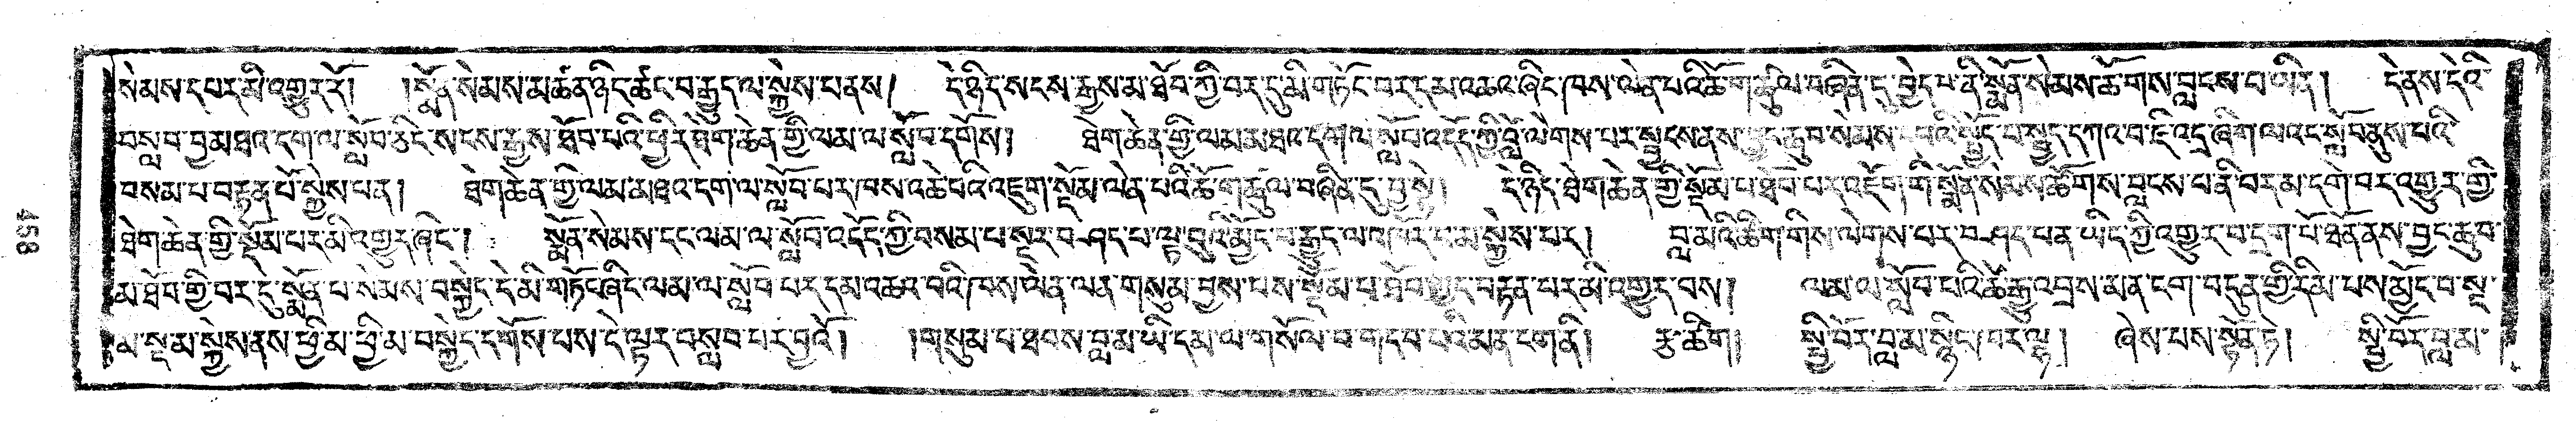སེམས་དཔར་མི་འགྱུར་རོ། །སྨོན་སེམས་མཚན་ཉིད་ཚང་བ་རྒྱུད་ལ་སྐྱེས་པ་ནས། དེ་ཉིད་སངས་རྒྱས་མ་ཐོབ་ཀྱི་བར་དུ་མི་གཏོང་བར་དམ་འཆའ་ཞིང་ཁས་ལེན་པའི་ཆོ་ག་ཚུལ་བཞིན་དུ་བྱེད་པ་ནི་སྨོན་སེམས་ཆོ་གས་བླངས་པ་ཡིན། དེ་ནས་དེའི་
བསླབ་བྱ་མཐའ་དག་ལ་སློབ་ཅིང་སངས་རྒྱས་ཐོབ་པའི་ཕྱིར་ཐེག་ཆེན་གྱི་ལམ་ལ་སློབ་དགོས། ཐེག་ཆེན་གྱི་ལམ་མཐའ་དག་ལ་སློབ་འདོད་ཀྱི་བློ་ལེགས་པར་སྦྱངས་ནས་བྱང་ཆུབ་སེམས་དཔའི་སྤྱོད་པ་སྤྱད་དཀའ་བ་ཇི་འདྲ་ཞིག་ལའང་སློབ་ནུས་པའི་
བསམ་པ་བརྟན་པོ་སྐྱེས་པ་ན། ཐེག་ཆེན་གྱི་ལམ་མཐའ་དག་ལ་སློབ་པར་ཁས་འཆེ་བའི་འཇུག་སྡོམ་ལེན་པའི་ཆོ་ག་ཚུལ་བཞིན་དུ་བྱ་སྟེ། དེ་ཉིད་ཐེག་ཆེན་གྱིས་དོམ་པ་ཐོབ་པར་འཇོག་གི་སྨོན་སེམས་ཚོགས་བླངས་པ་ནི་བར་མ་དགེ་བར་འགྱུར་གྱི་
ཐེག་ཆེན་གྱི་སྡོམ་པར་མི་འགྱུར་ཞིང་། སྨོན་སེམས་དང་ལམ་ལ་སློབ་འདོད་ཀྱི་བསམ་པ་སྔར་བཤད་པ་ལྟ་བུའི་མྱོང་བ་རྒྱུད་ལ་འཁོར་བ་མ་སྐྱེས་པར། བླ་མའི་ཚིག་གིས་ལེགས་པར་བཤད་པ་ན་ཡིད་ཀྱི་འགྱུར་བ་དྲག་པོ་ཐོན་ནས་བྱང་ཆུབ་
མ་ཐོབ་གྱི་བར་དུ་སྨོན་པ་སེམས་བསྐྱེད་དེ་མི་གཏོང་ཞིང་ལམ་ལ་སློབ་པར་དམ་འཆའ་བའི་ཁས་ལེན་ལན་གསུམ་བྱས་པས་སྡོམ་པ་ཐོབ་ཀྱང་བརྟན་པར་མི་འགྱུར་བས། ལམ་ལ་སློབ་པའི་ཚེ་རྒྱུ་འབྲས་མན་ངག་བདུན་གྱི་རིམ་པས་མྱོང་བ་སྔ་
མ་སྔ་མ་སྐྱེས་ནས་ཕྱི་མ་ཕྱི་མ་བསྐྱེད་དགོས་པས་དེ་ལྟར་བསླབ་པར་བྱའོ། །གསུམ་པ་ཐབས་བླ་མ་ཡི་དམ་ལ་གསོལ་བ་གདབ་པའི་མན་ངག་ནི། རྩ་ཚིག། སྤྱི་བོར་བལ་མ་སྙིང་ཁར་ལྷ། ཞེས་པས་སྟོན་ཏེ། སྤྱི་བོར་བླ་མ་